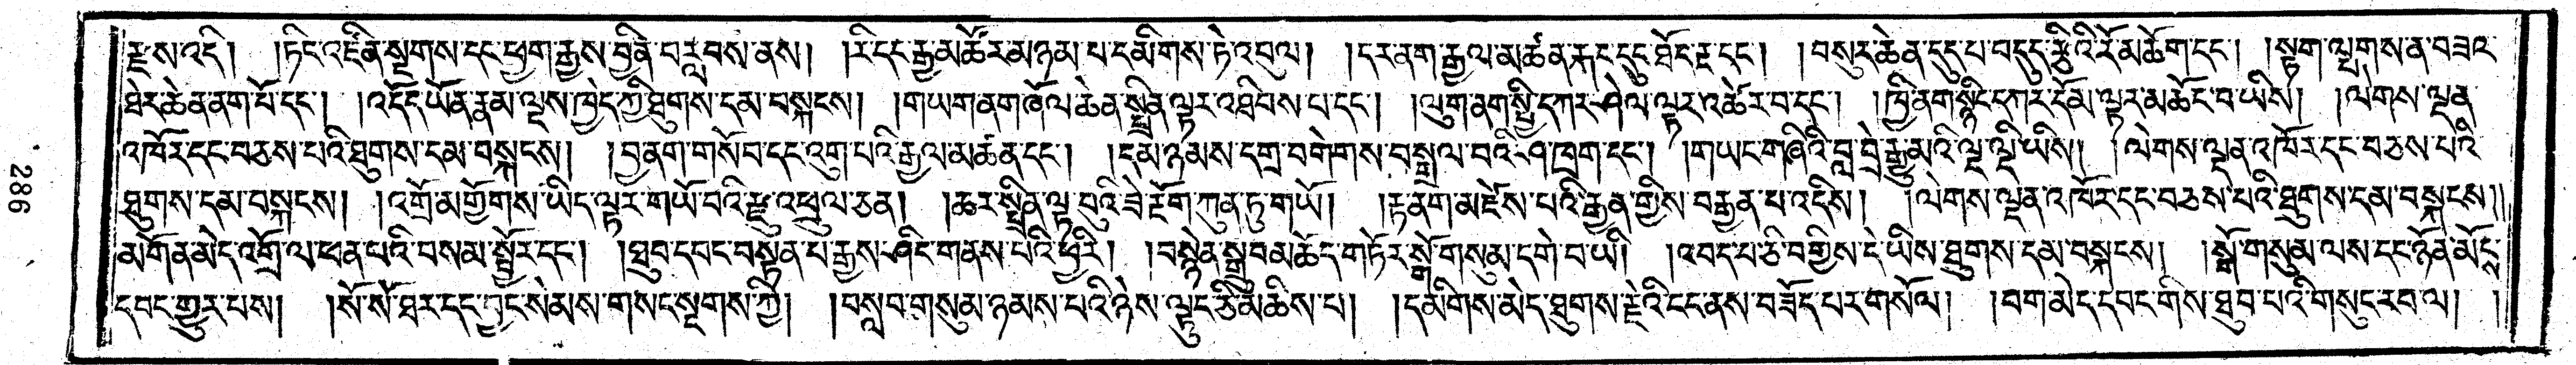རྫས་འདི། །ཏིང་འཛིན་སྔགས་དང་ཕྱག་རྒྱས་བྱིན་བརླབས་ནས། །རི་དང་རྒྱ་མཚོར་མཉམ་པ་དམིགས་ཏེ་འབུལ། །དར་ནག་རྒྱལ་མཚན་རྐང་དུང་ཐོད་རྔ་དང་། །བསུར་ཆེན་དུད་པ་བདུད་རྩིའི་རོ་མཆོག་དང་། །སྟག་ལྤགས་ན་བཟའ་
ཐེར་ཆེན་ནག་པོ་དང་། །འདོད་ཡོན་རྣམ་ལྔས་ཁྱེད་ཀྱི་ཐུགས་དམ་བསྐངས། །གཡག་ནག་ཞོལ་ཆེན་སྤྲིན་ལྟར་འཐིབས་པ་དང་། །ལུག་ནག་སྤྱི་དཀར་ཤེལ་ལྟར་འཚེར་བ་དང་། །ཁྱི་ནག་སྙིང་དཀར་དོམ་ལྟར་མཆོང་བ་ཡིས། །ལེགས་ལྡན་
འཁོར་དང་བཅས་པའི་ཐུགས་དམ་བསྐངས། །བྱ་ནག་གསོབ་དང་འུག་པའི་རྒྱལ་མཚན་དང་། །དམ་ཉམས་དགྲ་བགེགས་བསྒྲལ་བའི་ཤ་ཁྲག་དང་། །གཡང་གཞིའི་བླ་བྲེ་རྒྱུ་མའི་ལྔ་ལྡི་ཡིས། །ལེགས་ལྡན་འཁོར་དང་བཅས་པའི་
ཐུགས་དམ་བསྐངས། །འགྲོ་མགྱོགས་ཡིད་ལྟར་གཡོ་བའི་རྫུ་འཕྲུལ་ཅན། །ཆར་སྤྲིན་ལྟ་བུའི་ཟེ་རྔོག་ཀུན་ཏུ་གཡོ། །རྟ་ནག་མཛེས་པའི་རྒྱན་གྱིས་བརྒྱན་པ་འདིས། །ལེགས་ལྡན་འཁོར་དང་བཅས་པའི་ཐུགས་དམ་བསྐངས།།
མགོན་མེད་འགྲོ་ལ་ཕན་པའི་བསམ་སྦྱོར་དང་། །ཐུབ་དབང་བསྟན་པ་རྒྱས་ཤིང་གནས་པའི་ཕྱིར། །བསྙེན་སྒྲུབ་མཆོད་གཏོར་སྒོ་གསུམ་དགེ་བ་ཡི། །འབད་པ་ཅི་བགྱིས་དེ་ཡིས་ཐུགས་དམ་བསྐངས། །སྒོ་གསུམ་ལས་དང་ཉོན་མོངས་
དབང་གྱུར་པས། །སོ་སོ་ཐར་དང་བྱང་སེམས་གསང་སྔགས་ཀྱི། །བསླབ་གསུམ་ཉམས་པའི་ཉེས་ལྟུང་ཅི་མཆིས་པ། །དམིགས་མེད་ཐུགས་རྗེའི་ངང་ནས་བཟོད་པར་གསོལ། །བག་མེད་དབང་གིས་ཐུབ་པའི་གསུང་རབ་ལ། །